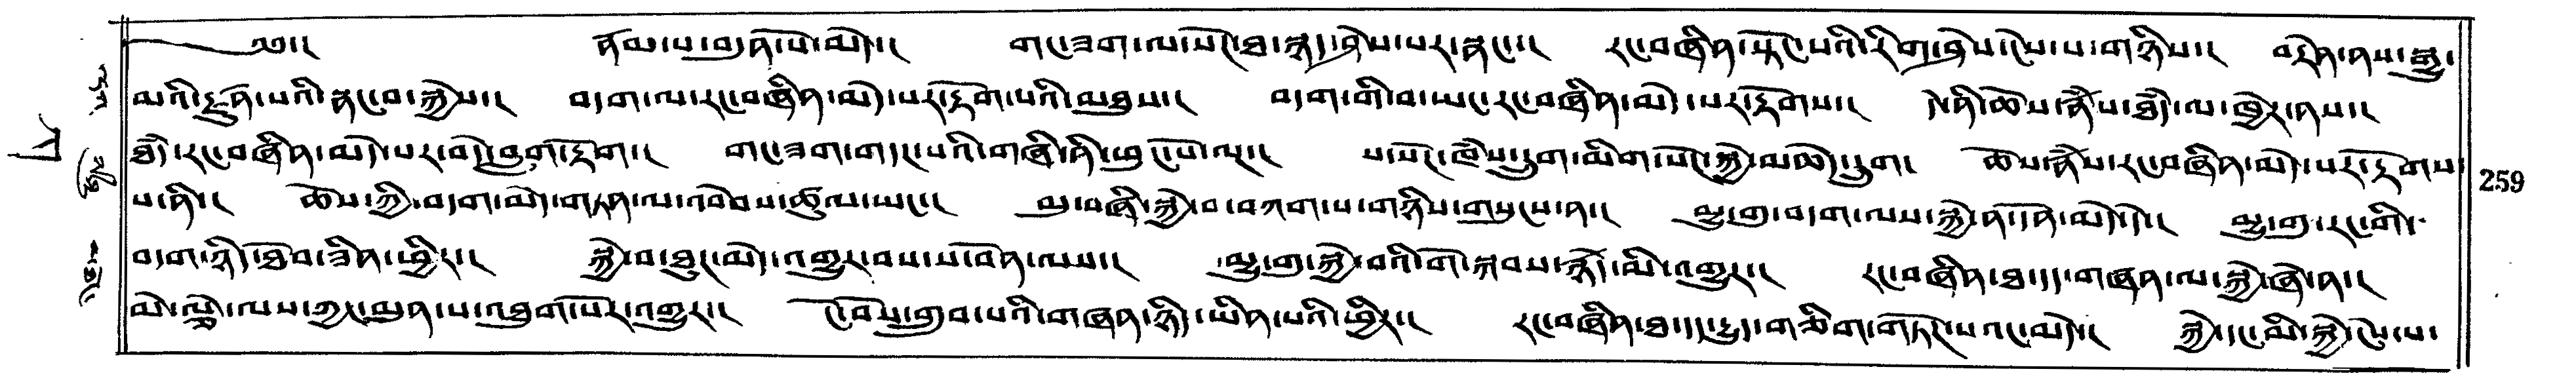རྣམ་པ་བདུན་པོ་མེད། །གང་ཟག་ལ་སོགས་ཐ་སྙད་ཤེས་པར་སྣང་། །རང་བཞིན་སྟོང་པའི་རིགས་ཤེས་ངེས་པ་གཉིས། །བརྟེན་ནས་སྒྱུ་
མའི་རྫུན་པའི་སྣང་བ་སྐྱེས། །བདག་ལ་རང་བཞིན་མེད་པར་རྟོགས་པའི་མཐུས། །བདག་གི་བ་ཡང་རང་བཞིན་མེད་པར་རྟོགས། །དེ་ནི་ཆོས་རྣམས་ཐམས་ཅད་ལ་ཁྱེར་ནས། །
ཐམས་ཅད་རང་བཞིན་མེད་པར་བདེ་བླག་རྟོགས། །གང་ཟག་གདགས་པའི་གཞི་ནི་ཕུང་པོ་ལྔ། །ས་སོགས་ཁམས་དྲུག་མིག་སོགས་སྐྱེ་མཆེད་དྲུག།ཆོས་རྣམས་རང་བཞིན་མེད་པར་རྟོགས་
པ་ནི། །ཆོས་ཀྱི་བདག་མེད་གཏན་ལ་འབེབས་ཚུལ་ཡང་། །མུ་བཞི་སྐྱེ་བ་བཀག་པ་གཉིས་གསུངས་ན། །མྱུ་གུ་བདག་ལས་སྐྱེ་ན་དོན་མེད་དེ། །མྱུ་གུ་རང་གི་
བདག་ཉིད་ཐོབ་ཟིན་ཕྱིར། །སྐྱེ་བ་ཐུག་མེད་འགྱུར་བས་ས་བོན་ལས། །མྱུ་གུ་སྐྱེ་བའི་གོ་སྐབས་རྙེད་མི་འགྱུར། །རང་བཞིན་ཐ་དད་གཞན་ལ་སྐྱེ་ཞེ་ན། །
མེ་ལྕེ་ལས་ཀྱང་མུན་པ་འཐུག་པོར་འགྱུར། །ངོ་བོས་གྲུབ་པའི་གཞན་ཉིད་ཡིན་པའི་ཕྱིར། །རང་བཞིན་ཐ་དད་རྒྱུད་གཅིག་གཏོགས་པའང་མེད། །སྐྱེ་དང་མི་སྐྱེ་ངེས་པ་